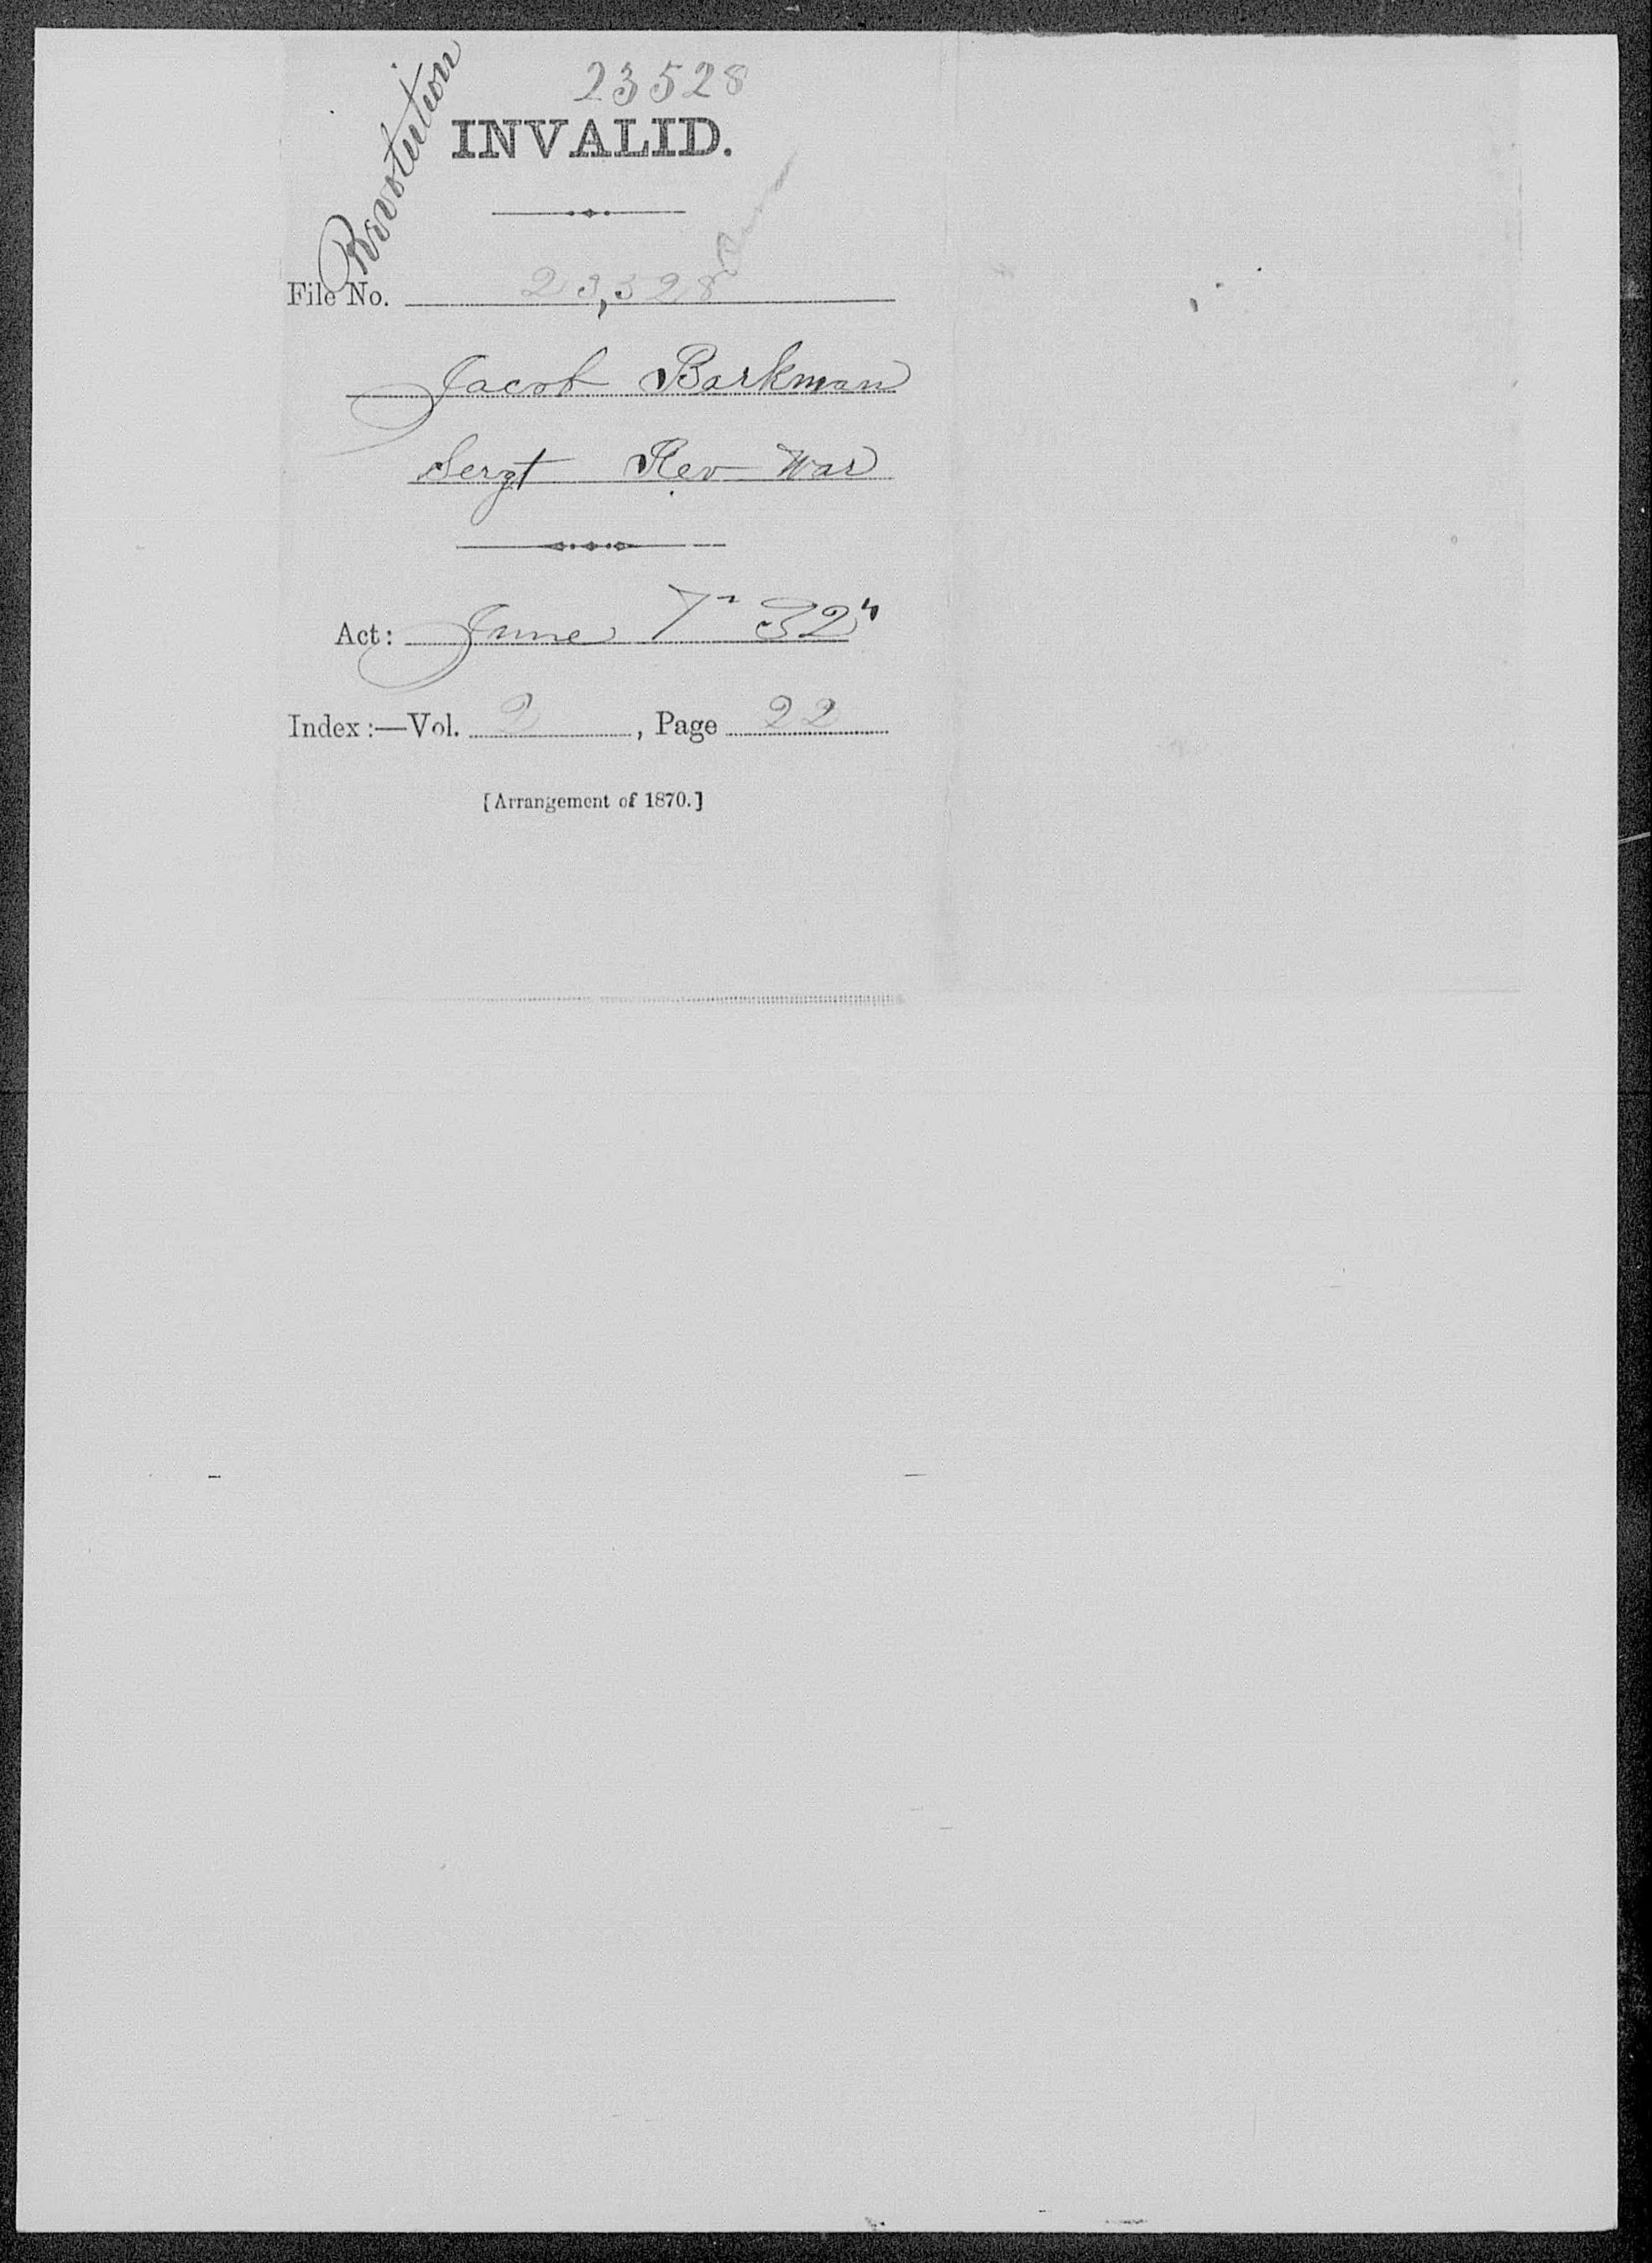Revolution
23528

INVALID.

File No. 23,528

Jacob Barkman
Sergeant Revolutionary War

Act: June 7th, 1832

IndexL-Vol. 2, Page 22

[ Arrangement of 1870. ]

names: Jacob Barkman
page: 3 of 12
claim: survivor's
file: S. 23,528, Jacob Barkman, New York